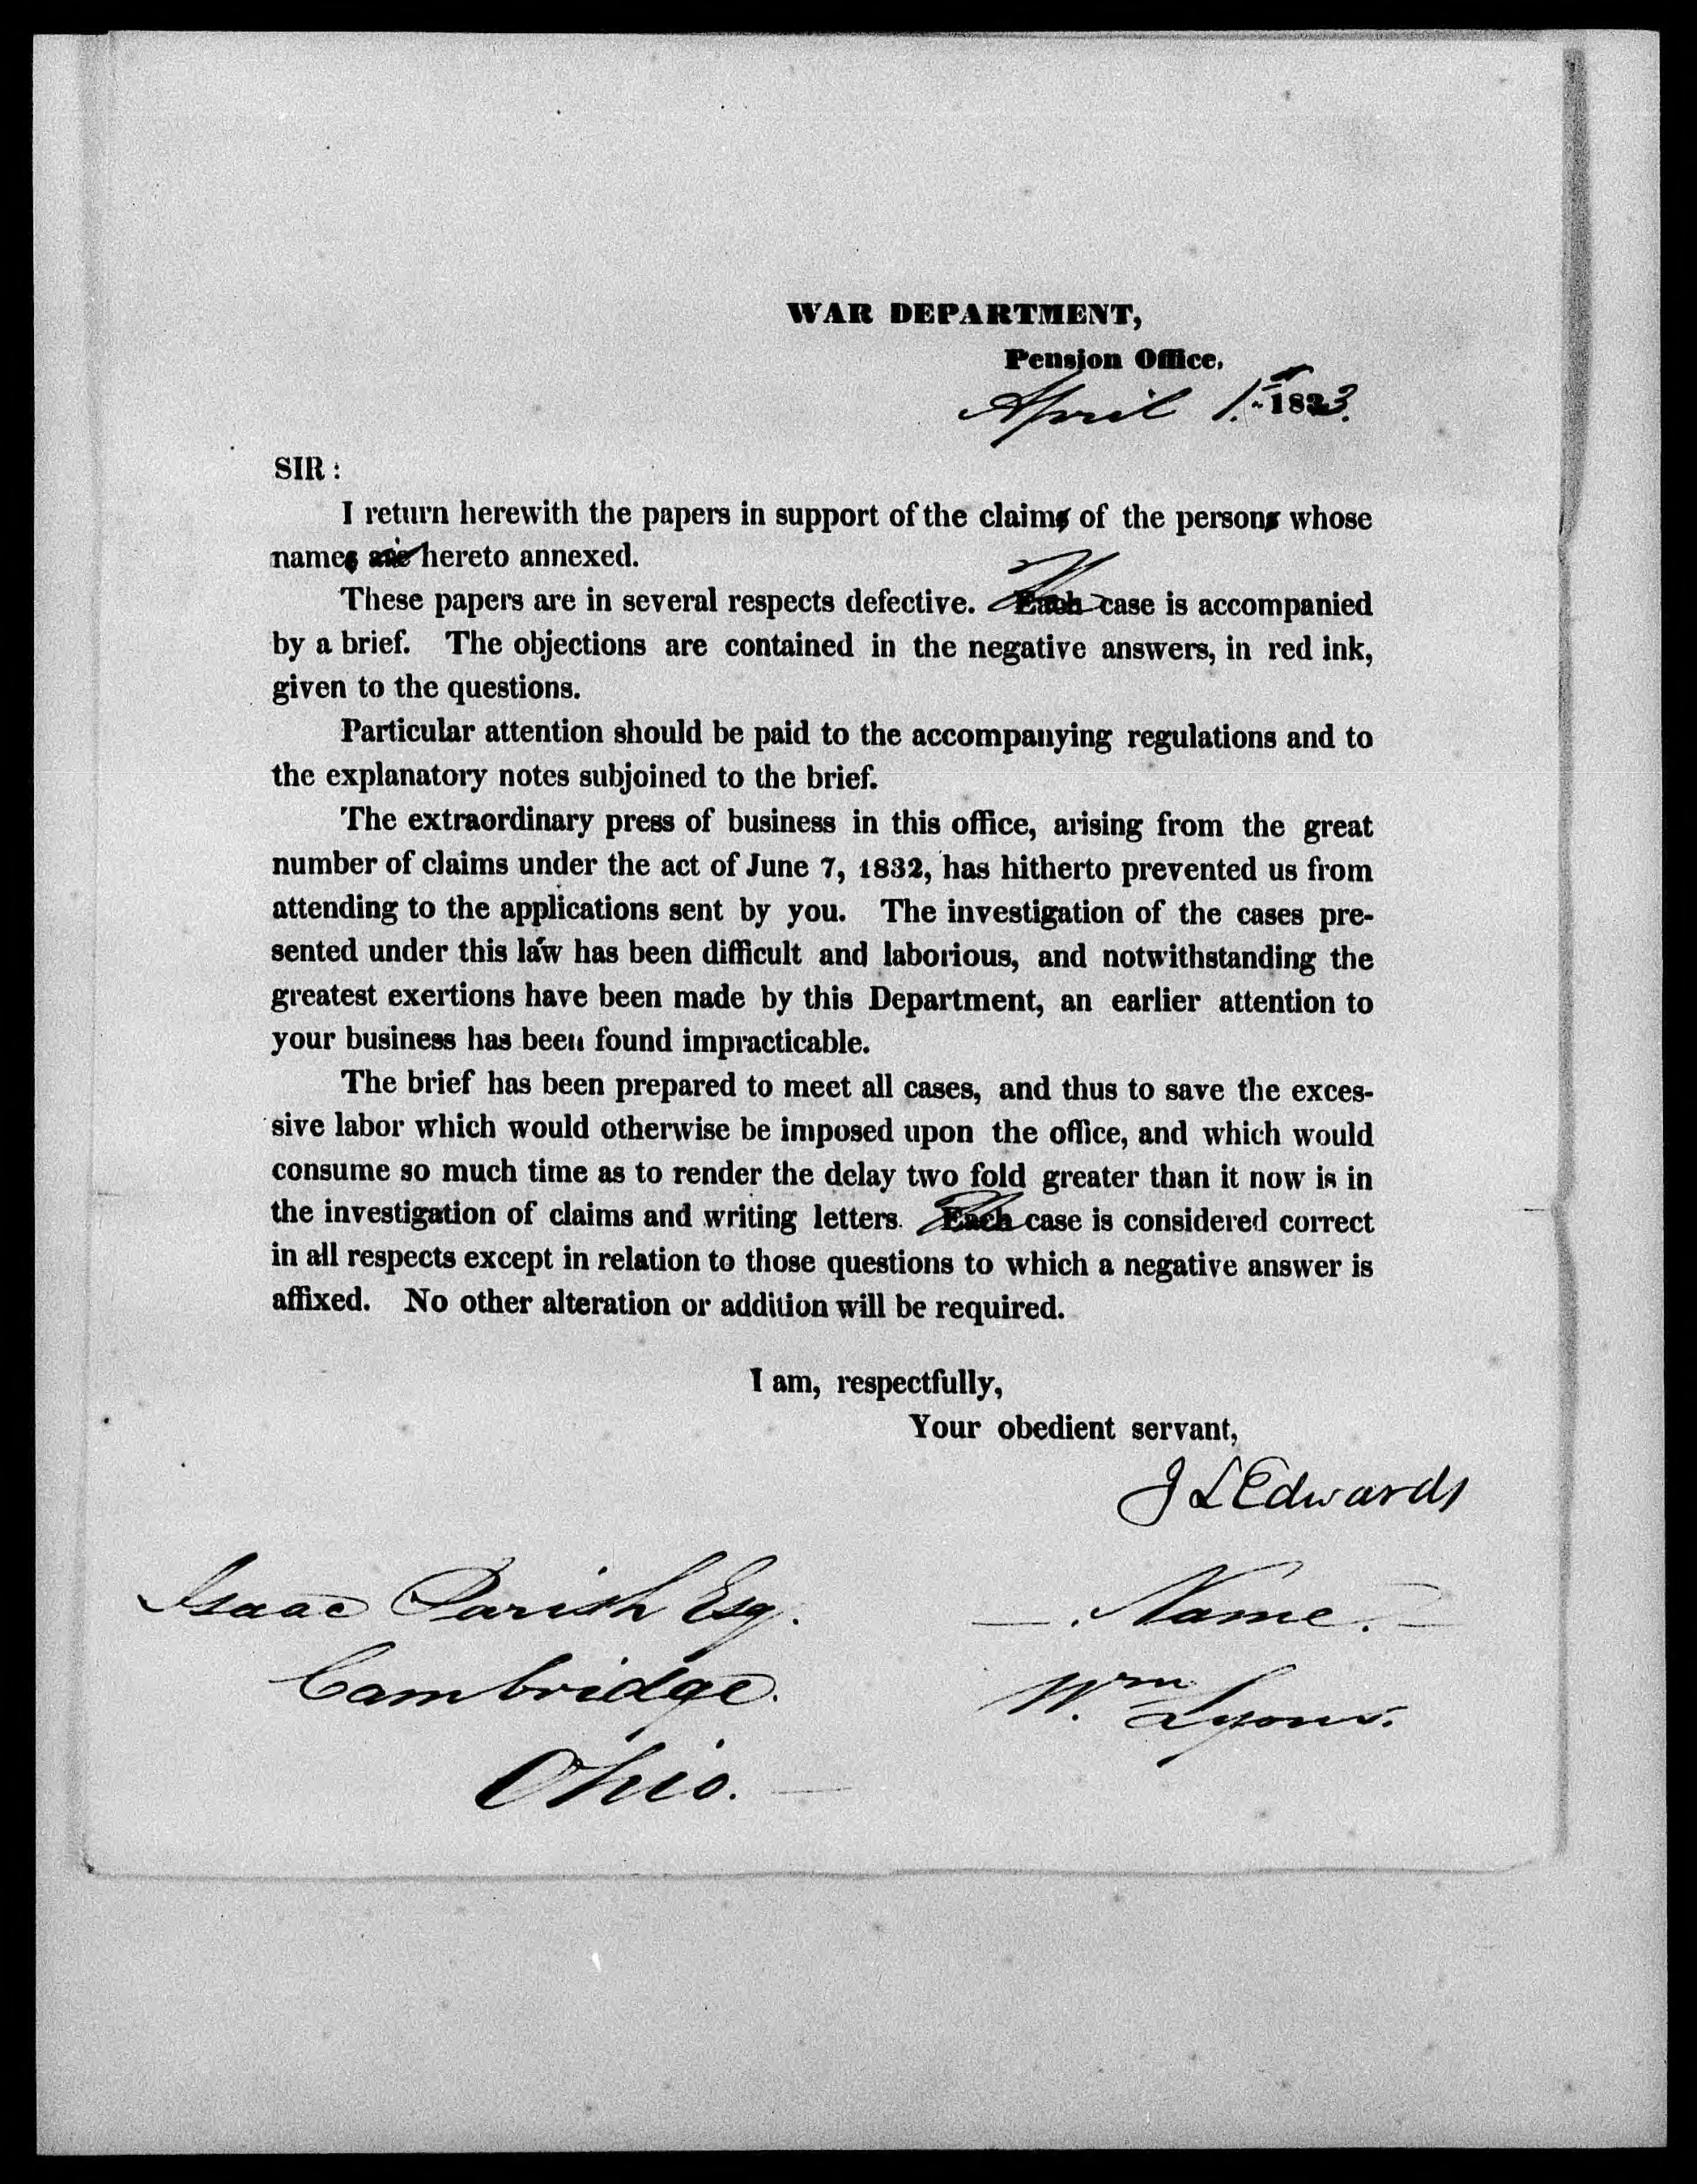WAR DEPARTMENT
Pension Office,
April 1 1823

SIR:
I return her with the papers in support of the claim of the person whose name hereto annexed.
These papers are in several respects defective. Case is accompanied by a brief. The objections are contained in the negative answers in red ink, given to the questions.
Particular attention should be paid to the accompanying regulations and to the explanatory notes subjoined to the brief.
The extraordinary press of business in this office, arising from the great number of claims under the act of June 7, 1832, has hitherto prevented us from attending to the applications sent by you. The investigation of the cases presented under this law has been difficult and laborious, and notwithstanding the greatest exertions have been made by this Department, an earlier attention to your business has been found impracticable.
The brief has been prepared to meet all classes, and thus to save the excessive labor which would otherwise be imposed upon the office, and which would consume so much time as to render the delay two fold greater than it now is in the investigation of claims and writing letters. The case is considered correct in all respects except in relation to those questions to which a negative answers is affixed. No other alteration or addition will be required.  I am, respectfully,
Your obedient servant, JL Edwards
Isaac Parish Esq
Cambridge Ohio
Name Wm Lyons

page: 29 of 41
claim: survivor's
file: S. 4585, for William Lyons, Pennsylvania